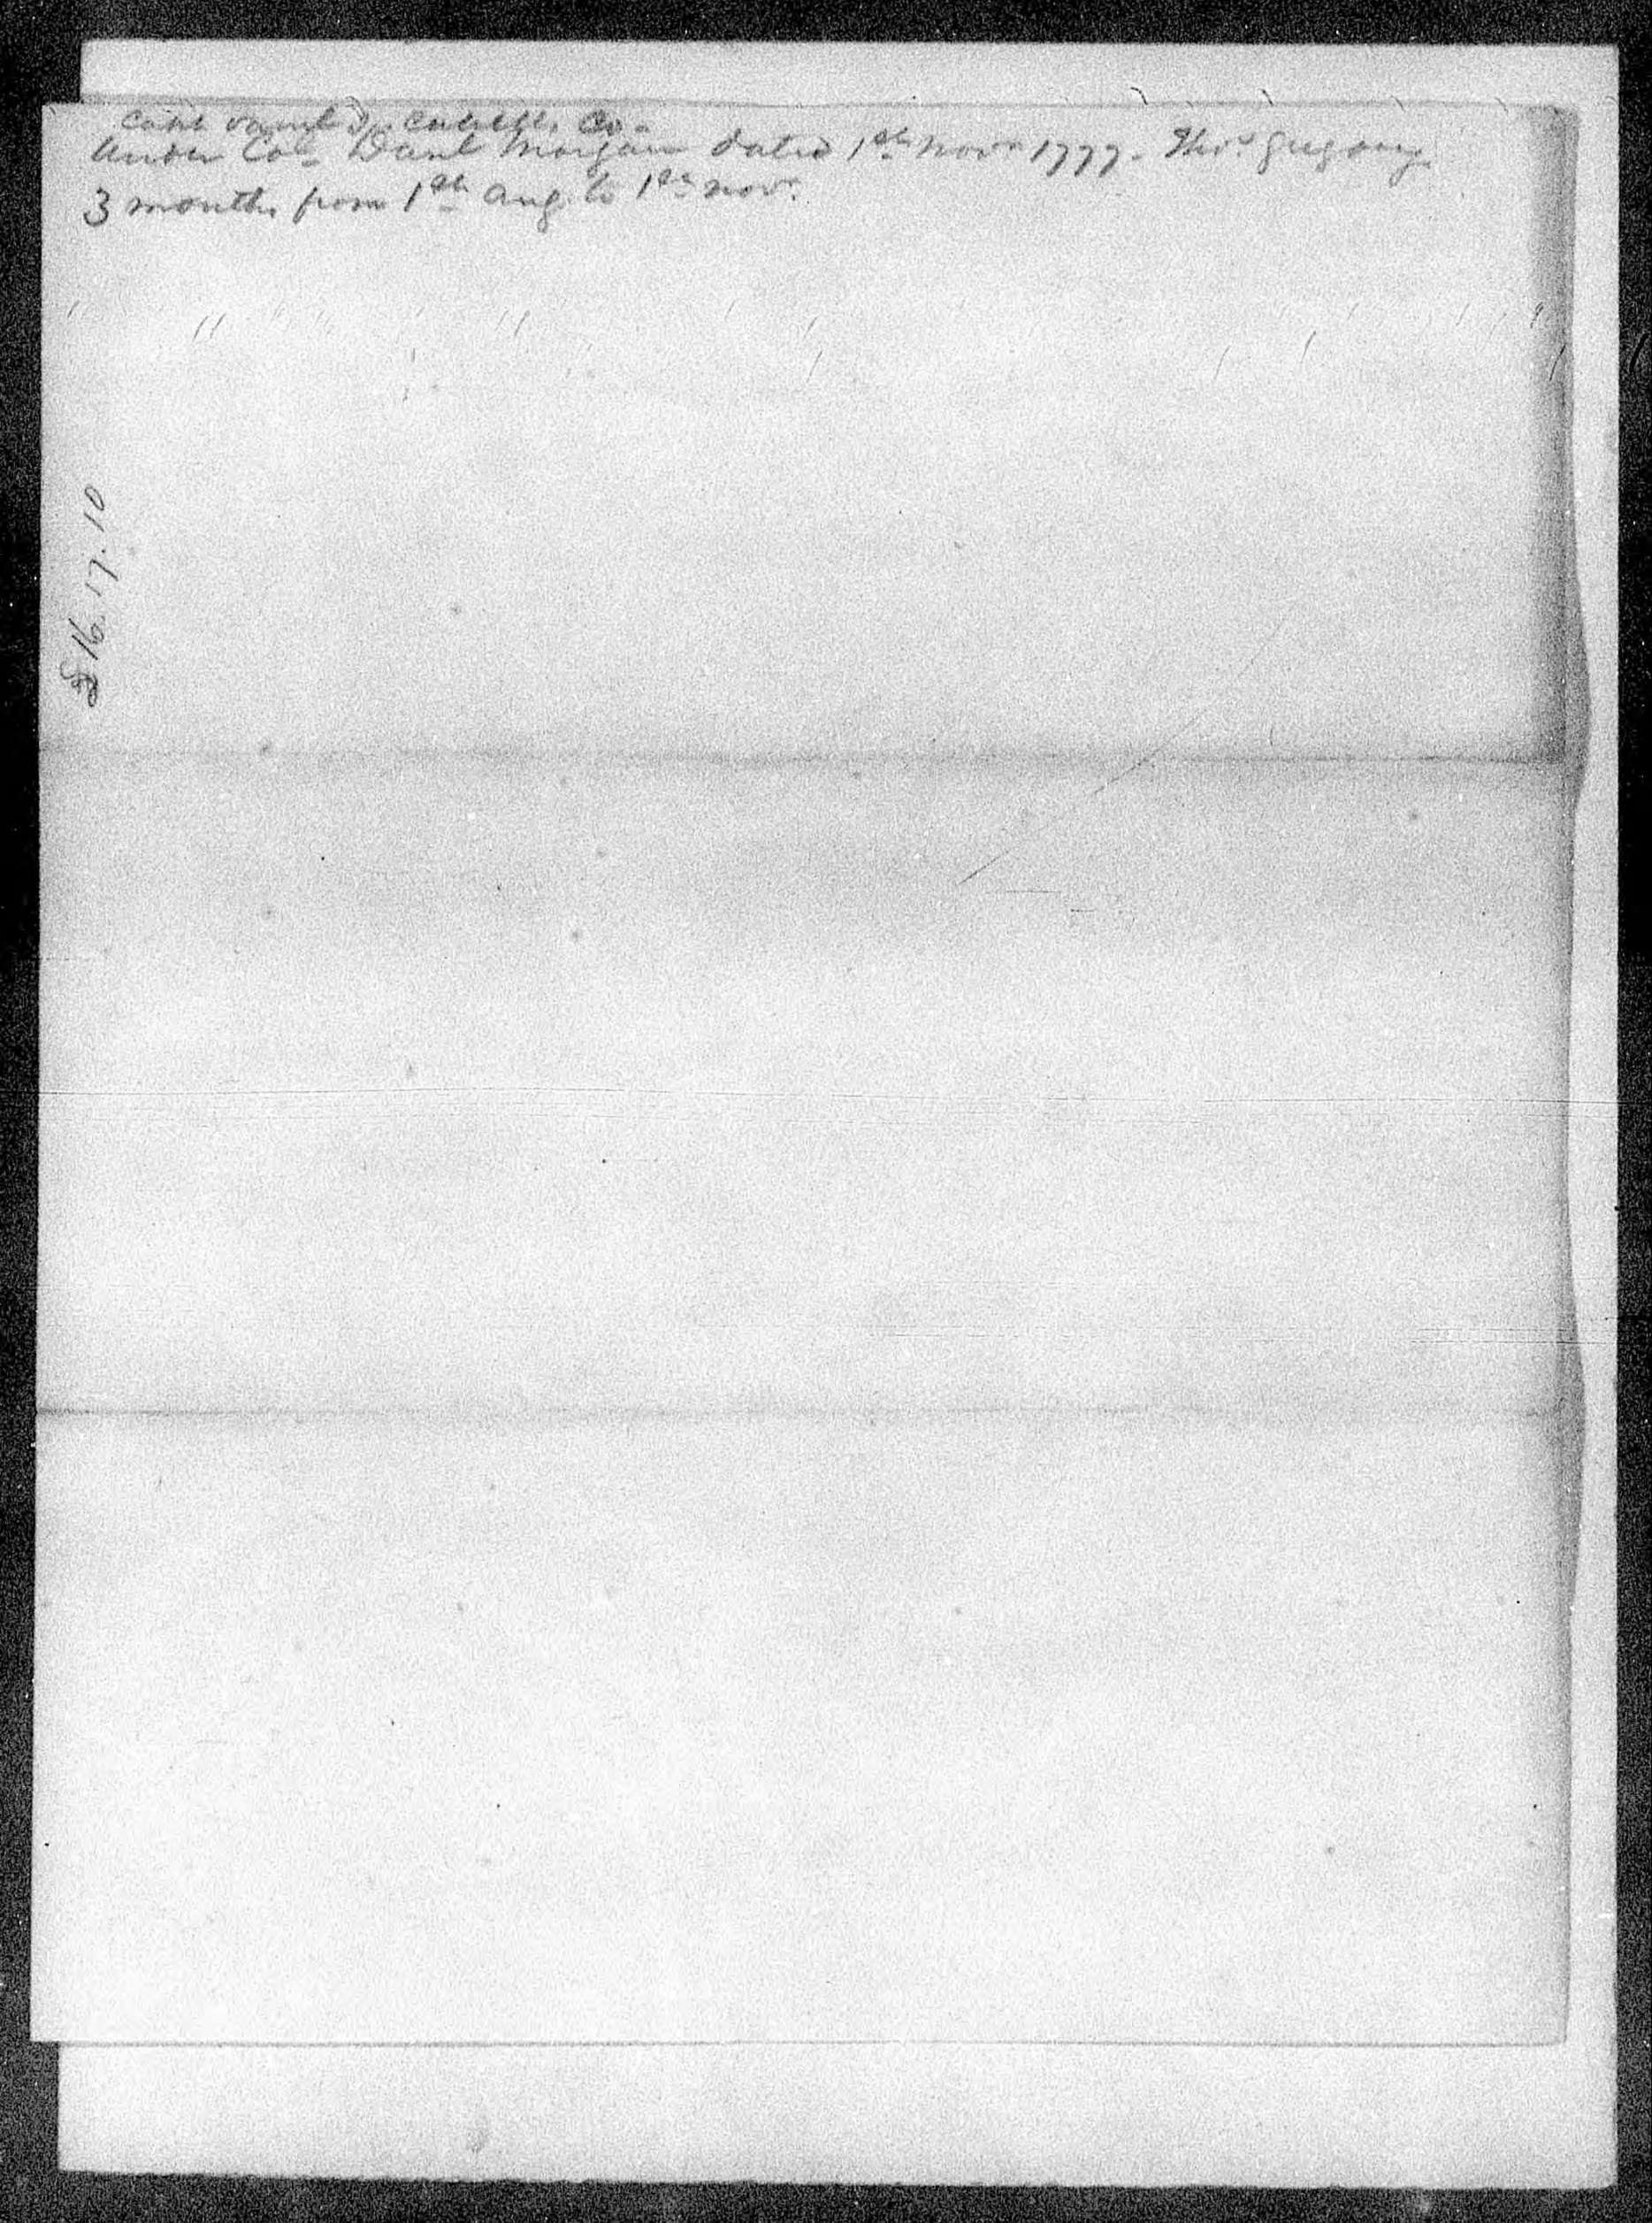Capt Saml J. Cabell, Co.
under Col Danl Morgan dated 1st Nov'r 1777
3 months from 1st Aug to 1st Nov.


£16.17.10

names: Danl Morgan, Thos Gregory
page: 41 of 75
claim: widow's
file: W. 8876, Thomas Gregory, Continental Va